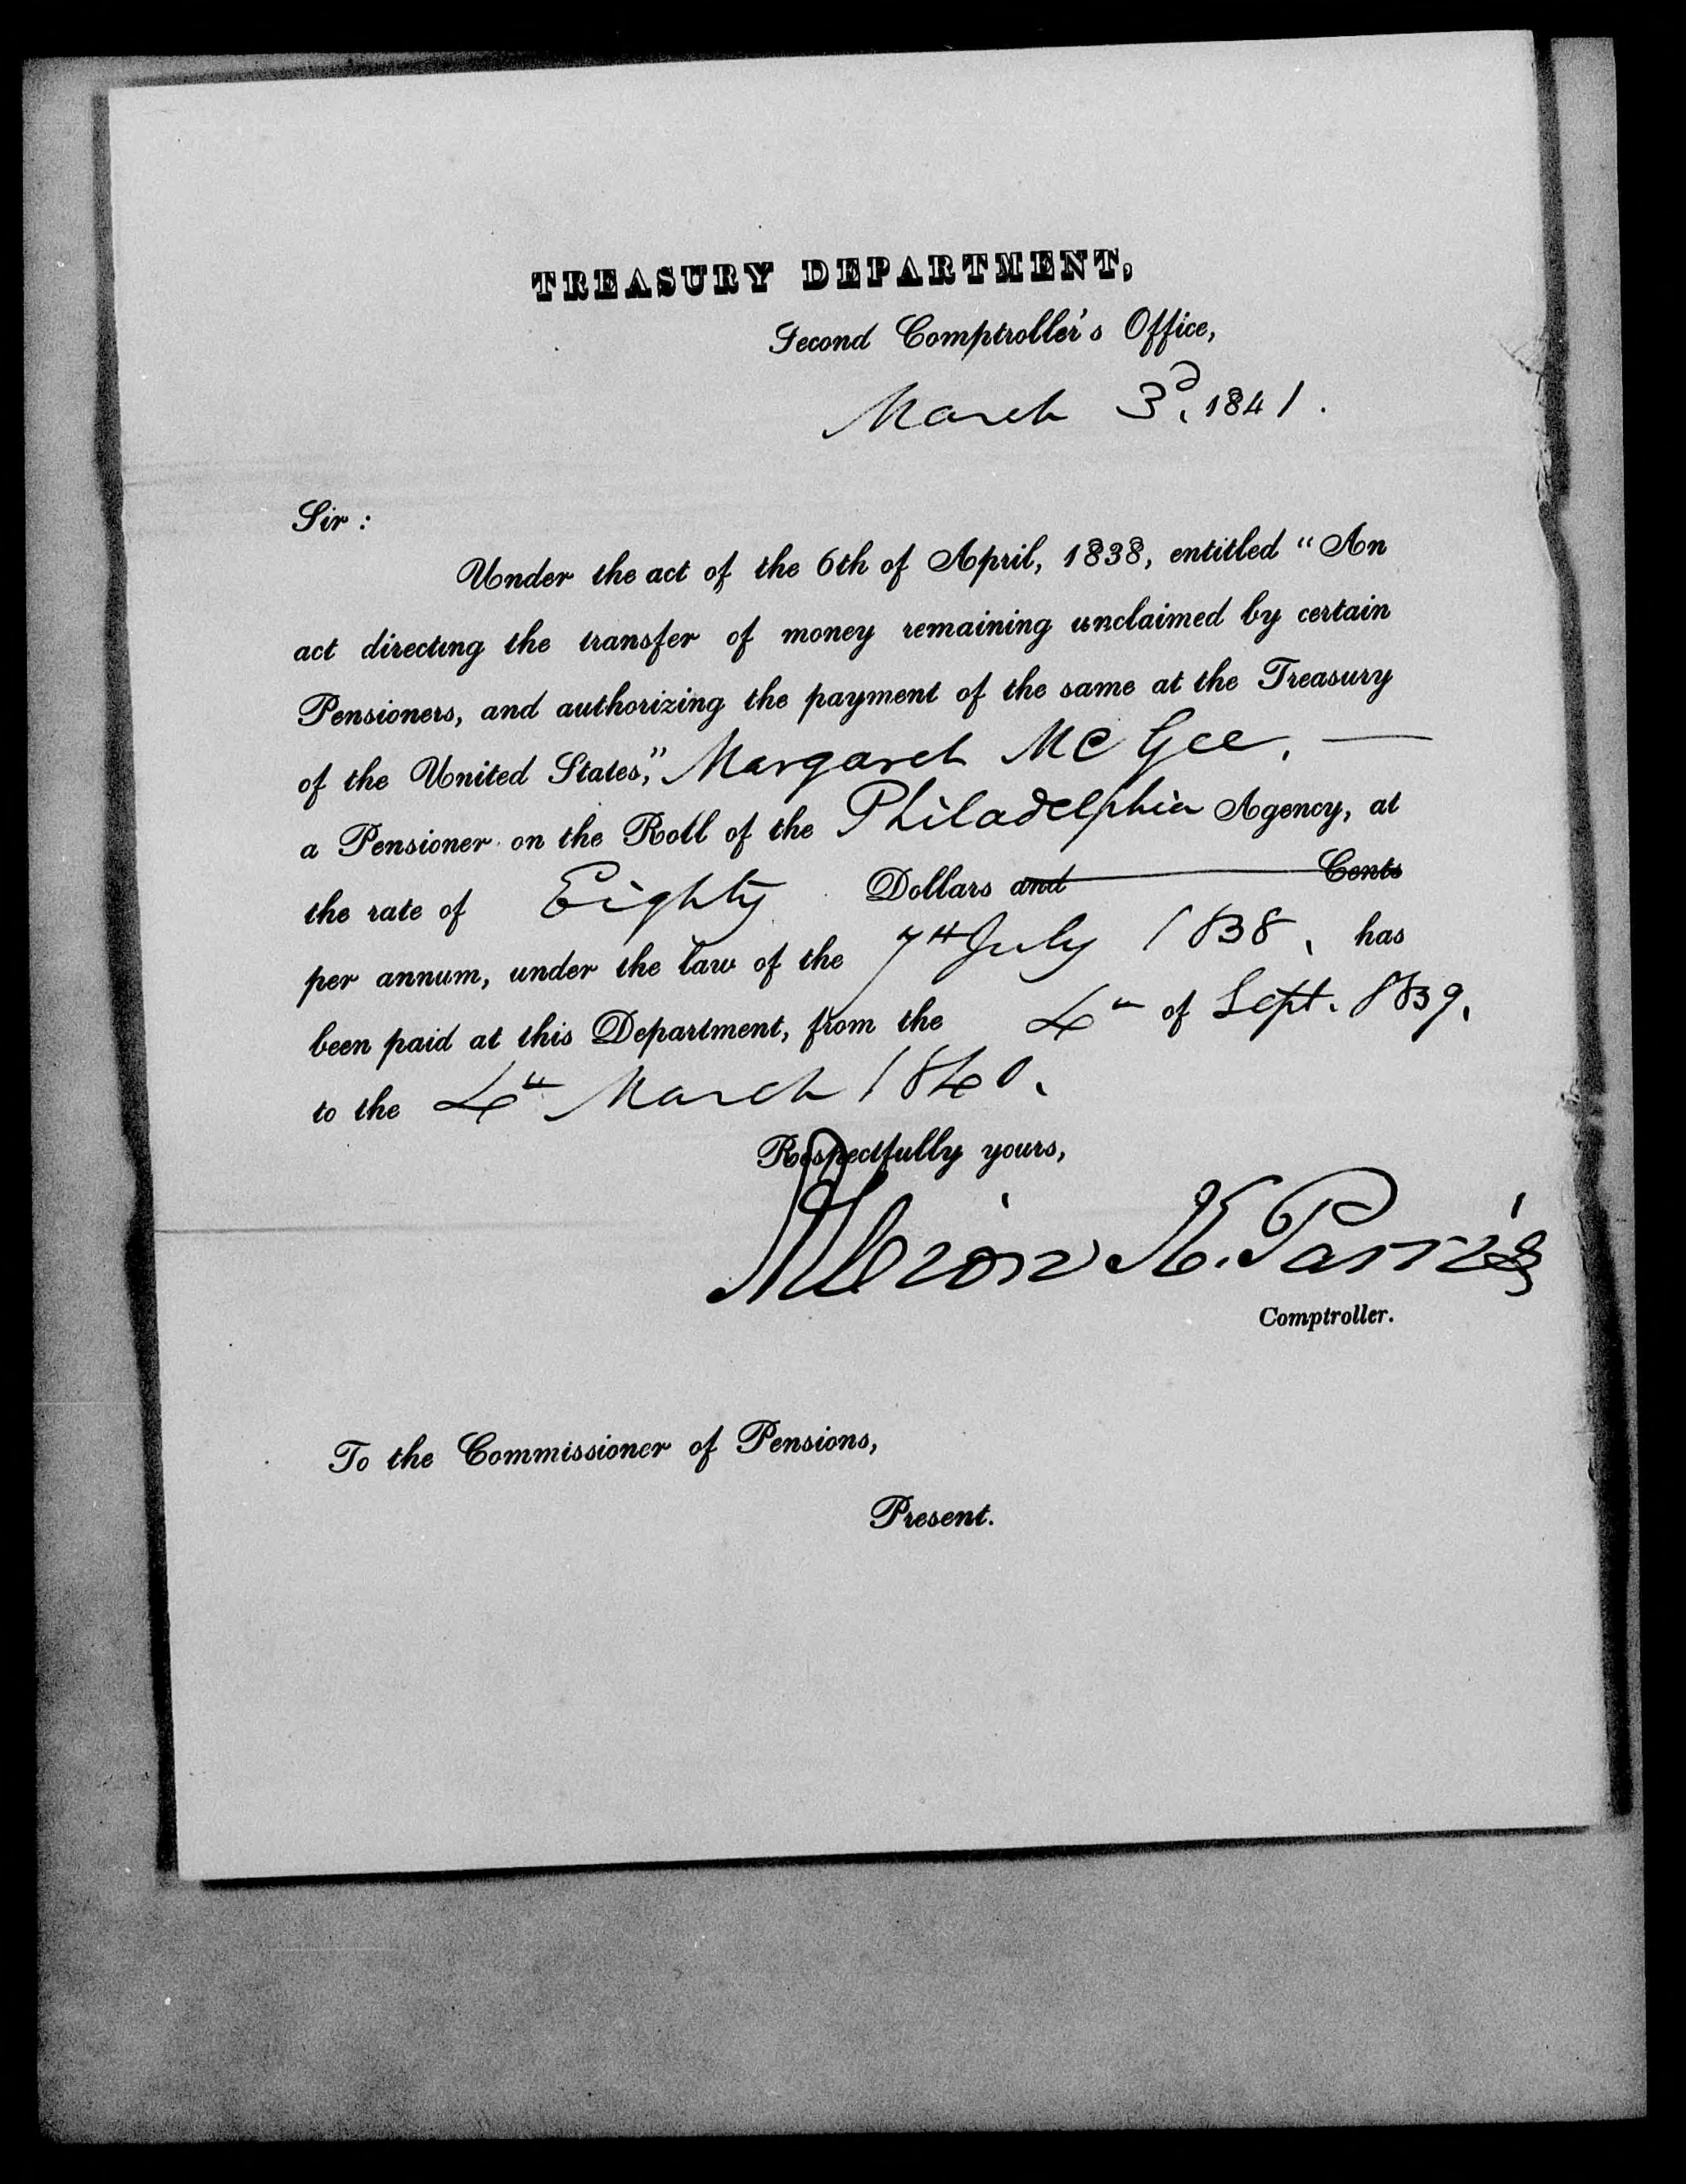TREASURY DEPARTMENT
Second Comptroller's Office
March 3d 1841.
Sir:
Under the act of the 6th of April, 1838, entitled "An
act directing the transfer of money remaining unclaimed by certain
Pensioners, and authorizing the payment of the same at the Treasury
of the United States, Margaret McGee,
---a Pensioner on the Roll of the Philadelphia Agency, at
the rate of Eighty
Dollars and Cents [and cents is crossed-out]
per annum, under the law of the 7th July 1838, has
been paid at this Department, from the
4th of Sept. 1839
to the 4th March 1840
Respectfully yours,
Albion K. Parris
Comptroller.
To the Commissioner of Pensions,
Present.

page: 28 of 77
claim: widow's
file: W 2954, for James Mc Gee, Delaware